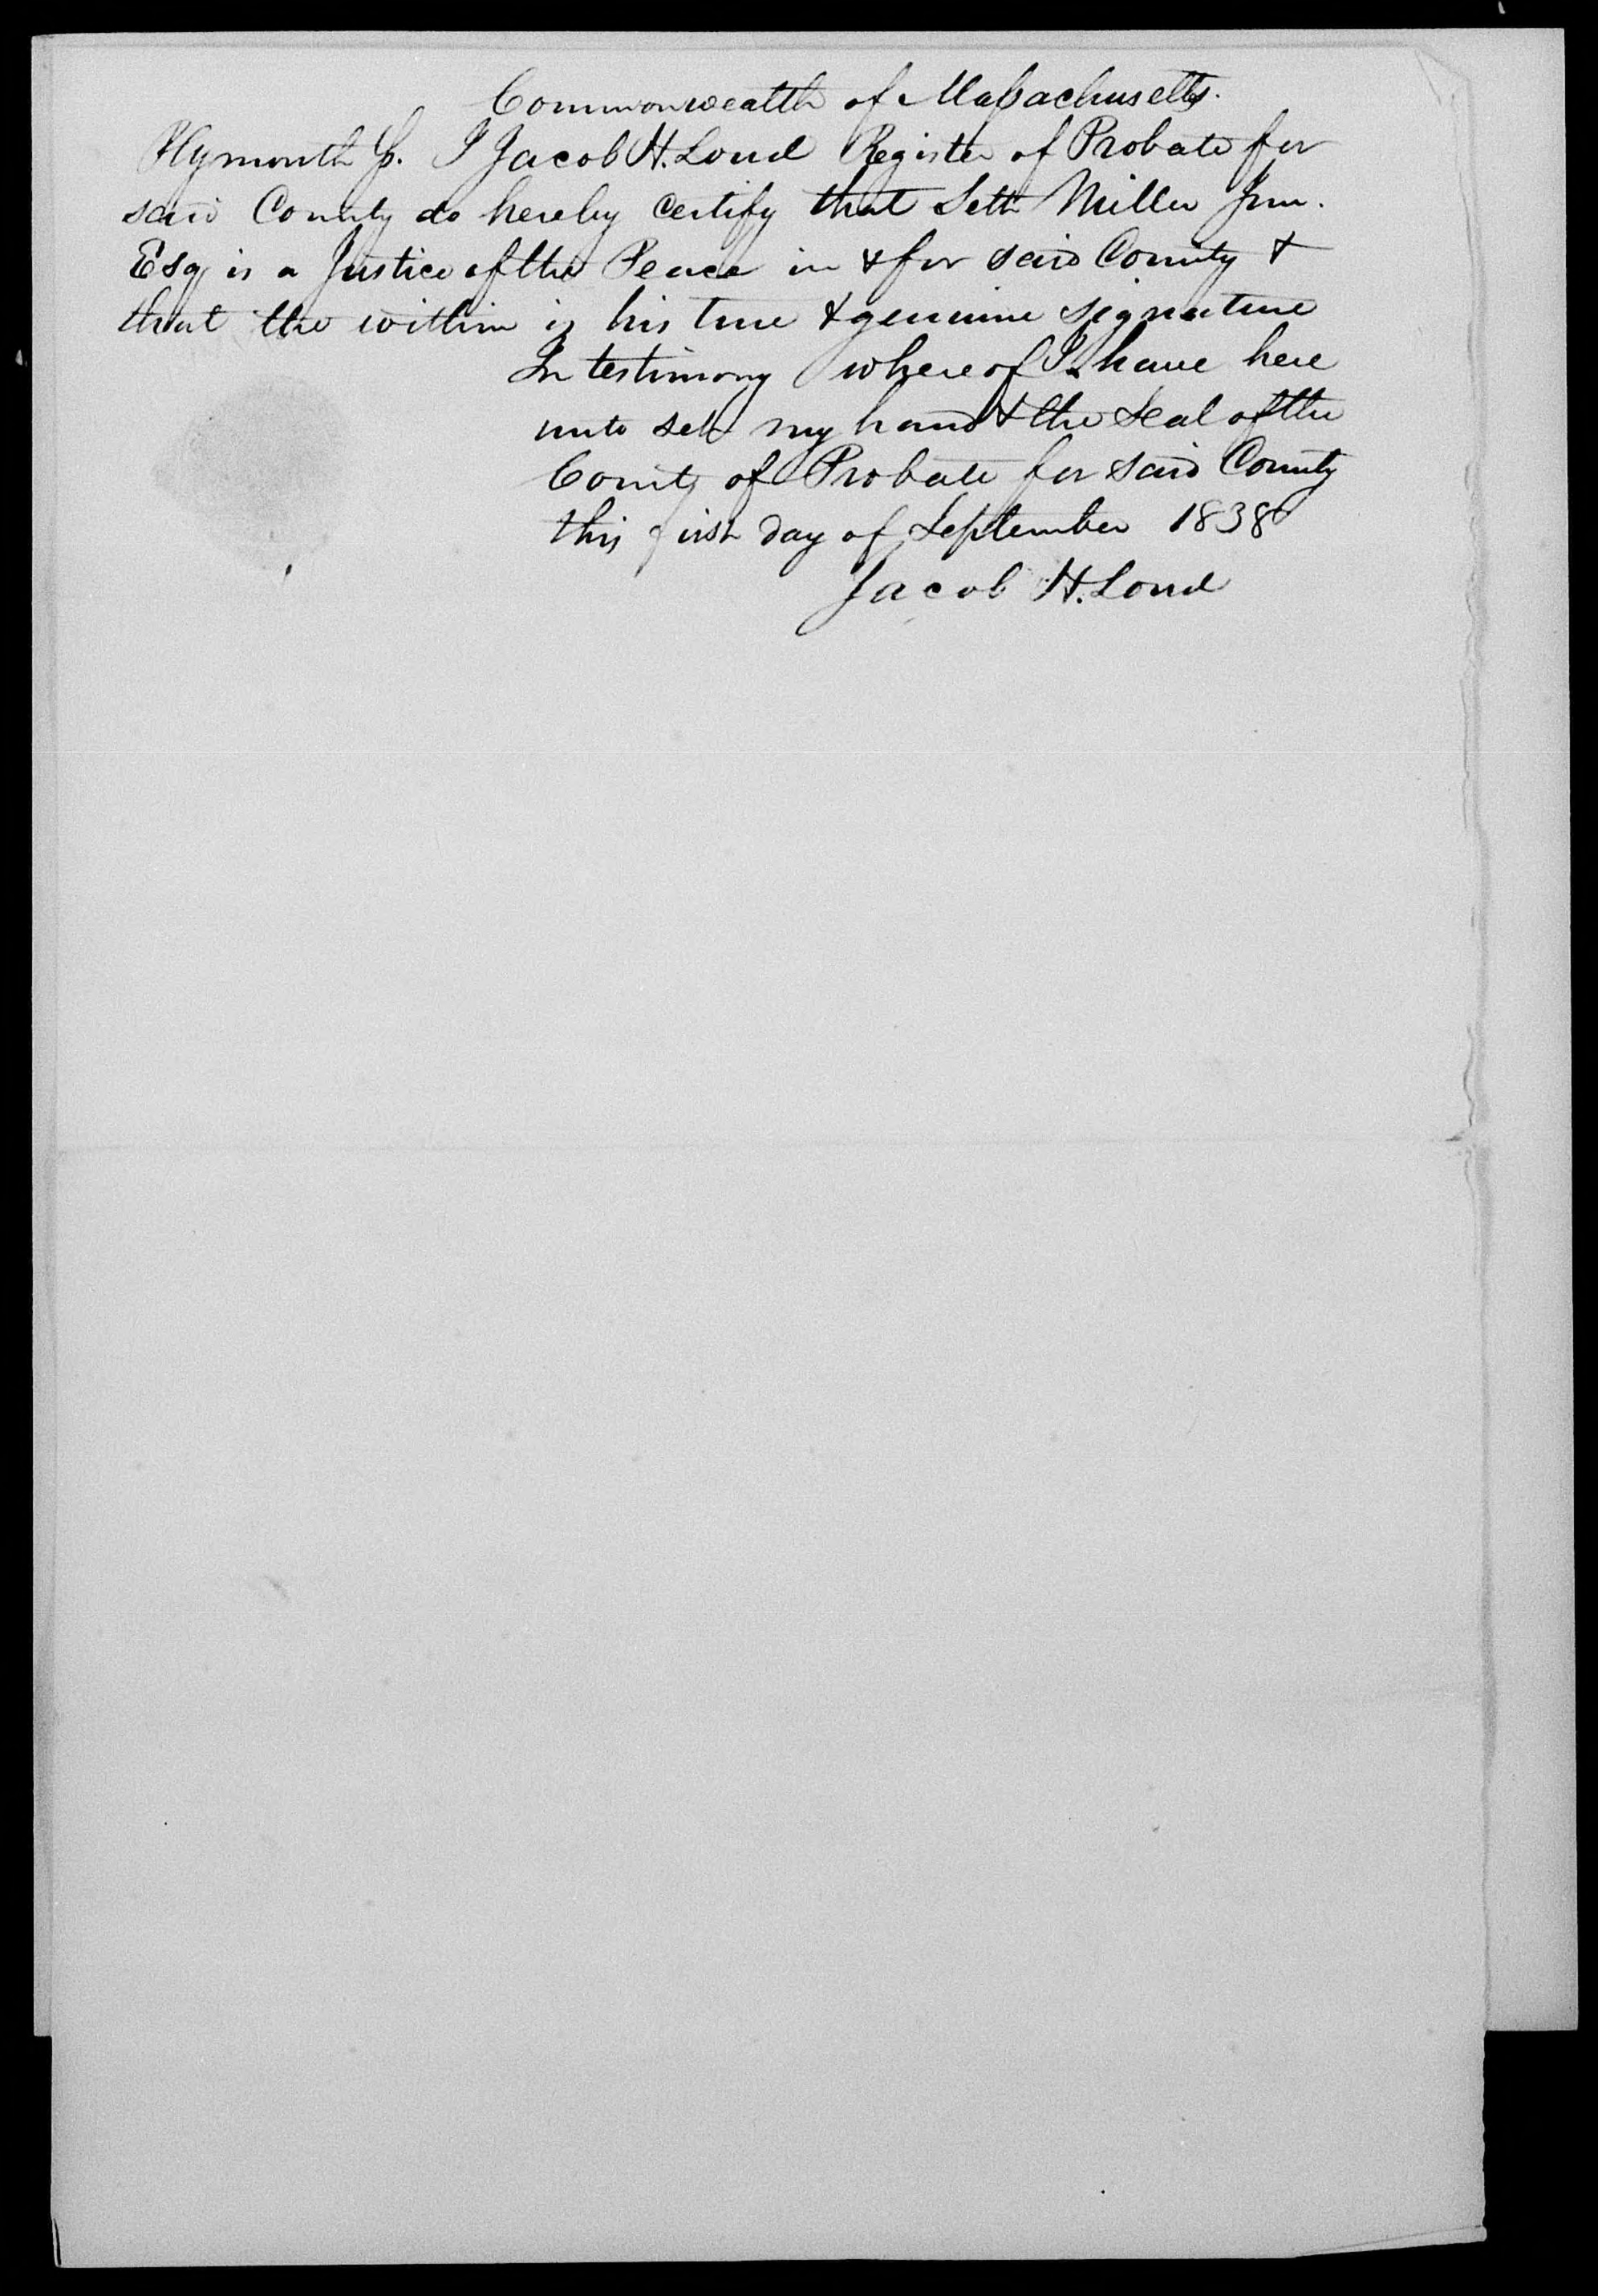Commonwealth of Massachusetts
Plymouth SS. I Jacob H. Loud Register of Probate for said County do hereby certify that Seth Miller Jr Esq is a Justice of the Peace in & for said County & that the within is his true & genuine signature-
In testimony whereof I have here
unto set my hand & the Seal of the
County of Probate for said County
this first day of September 1838-
Jacob H. Loud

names: Jacob H Loud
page: 14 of 82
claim: widow's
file: W. 13,634, for Rufus Lincoln, Massachusetts